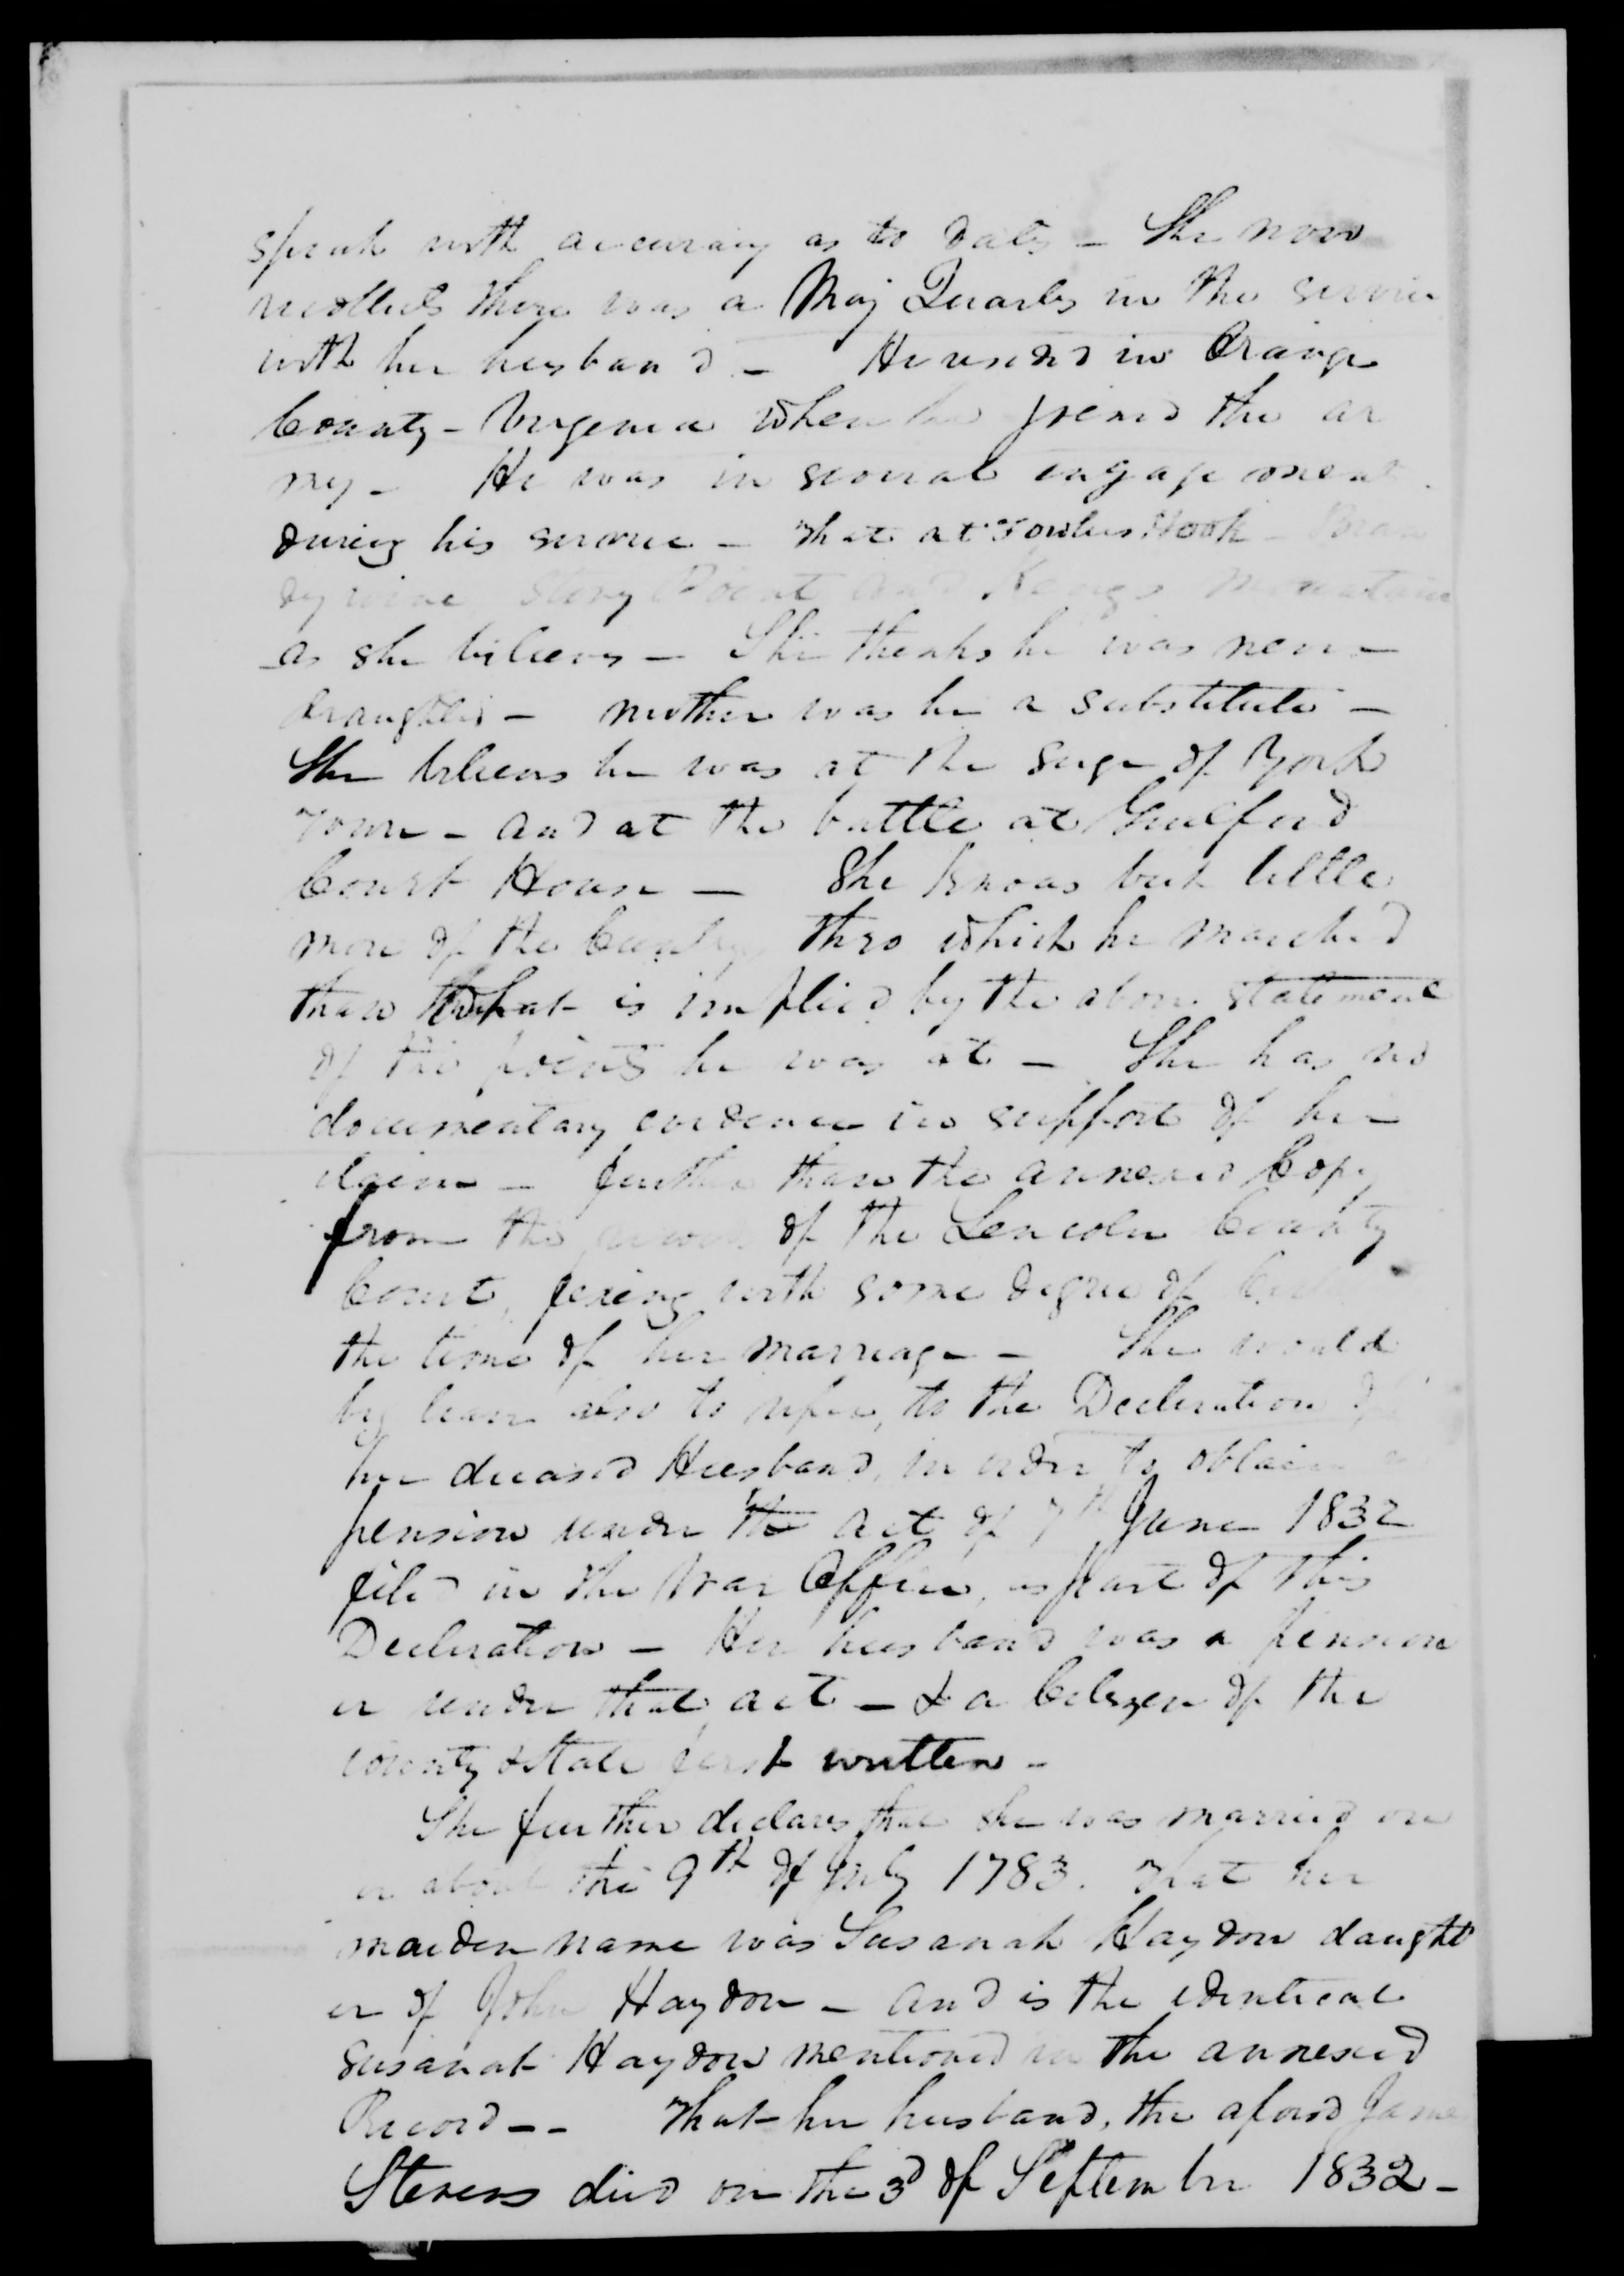speak with accuracy as to dates - She now recollects there was a Maj Quarly in the service with her husband - He resided in Orange County - Virginia when he joined the army - He was in seoural engagement during his service - that at Fowlers Hook - Brandywine Stony Point and Ke-g- Mountain as she believes - She thinks he was never draughted - neither was he a substitute - She believes he was at the seige of York Town - and at the battle at Guilford Court House - She knows but little more of the County thro which he marched than what is implied by the above statement of the points he was at - She has no documentary evidence in support of her claim - further than the annexed Copy from the record of the Lencoln County Court -ering with some degree of C[illegible] the time of her marriage - She would by lean also to refer to the Decleration of her deceased Husband in order to obtain pension under the Act of 7th June 1832 filed in the War Office as part of this Declaration - Her husband was a pensioner under the act - & a Citizen of the county & state first written - 
She further declares that she was married on or about the 9th of July 1783.That her maiden name was Susanah Haydon daughter of John Haydon - and is the identical Susanah Haydon mentioned in the annexed Record -- That her husband, the aford Jame Stevens died on the 3d of September 1832 -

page: 9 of 99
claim: widow's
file: W 8766, for James Stevens, Virginia